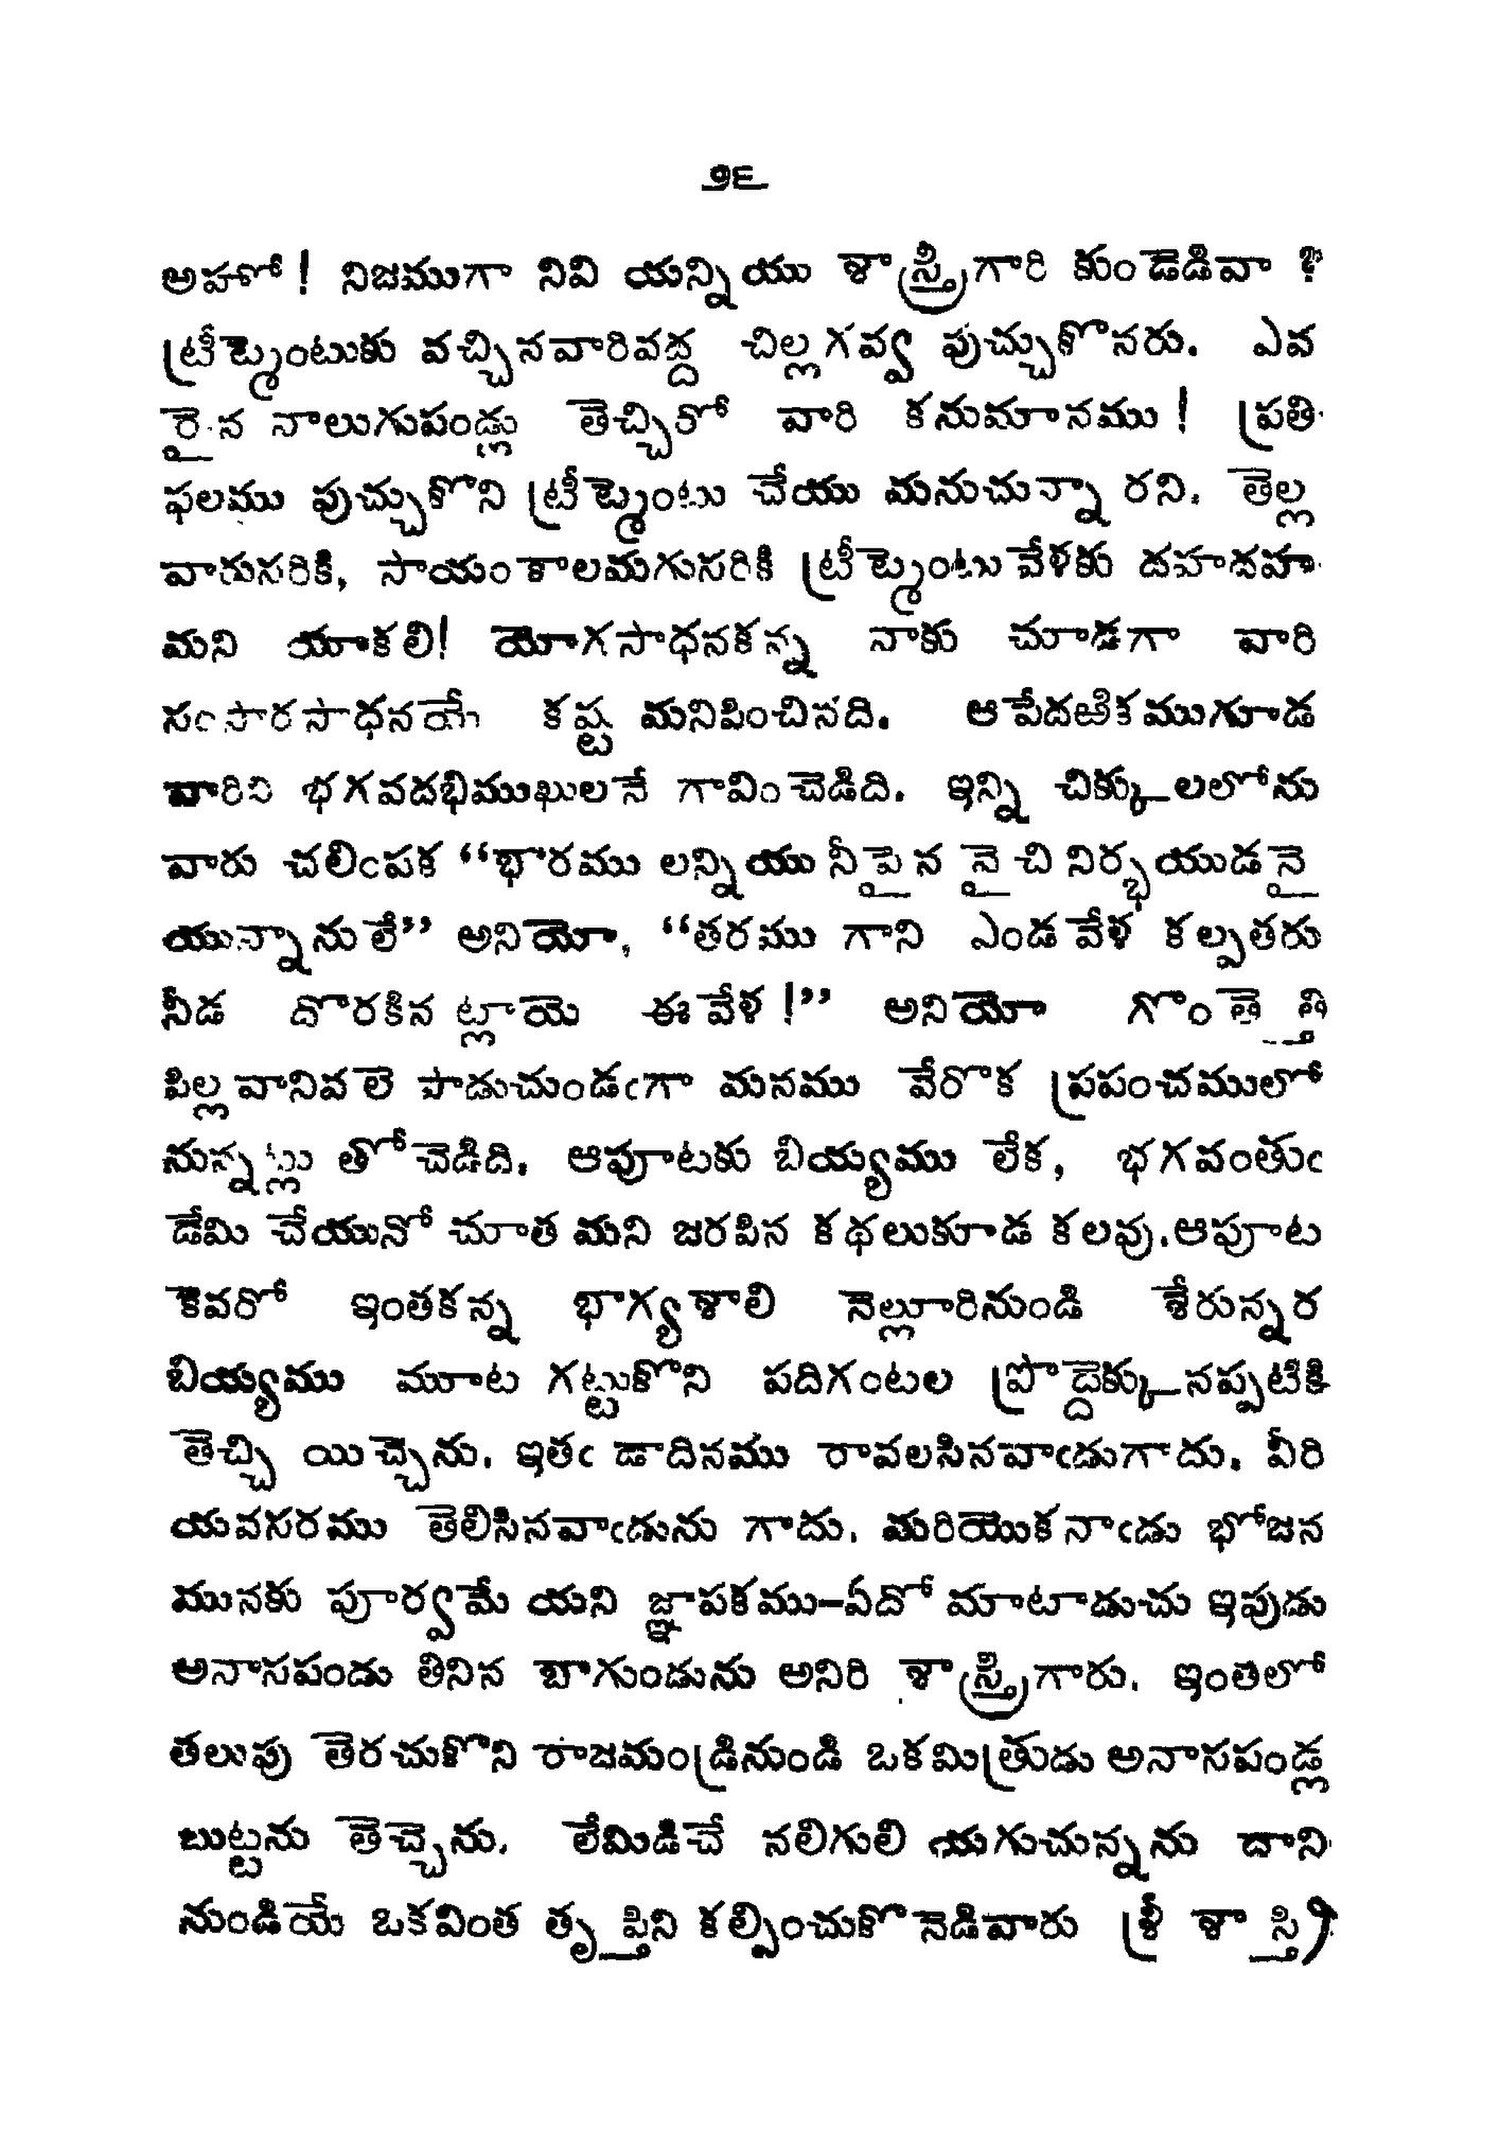ఆహొ! నిజముగా నివి యన్నియు శాస్త్రిగారి కుండేడివా? ట్రీట్మెంటుకు వచ్చినవారివద్ద చిల్లిగవ్వ పుచ్చుకోనరు. ఎవర్తెన నాలుగుపండ్లు తేచ్చిరో వారి కనుమానము! ప్రతి ఫలము పుచ్చుకొని ట్రేట్మెంటు చేయు మనుచున్నారని. తెల్ల వారుసరికి, సాయంకాలమగుసరికి ట్రీట్మెంటు వేళకు దహదహ మని యాకలి! యోగసాధనకన్న నాకు చూడగా వారి సంసారసాధనయే కష్ట మనిపించినది. ఆ పేదరికముగూడ వారిని బాగావడభీముఖులనే గావించెడిది. ఇన్ని చిక్కులలోను వారు చలింపక "భారములన్నియు నీప్తెన వ్తెచి నిర్భాయుడన్తె యున్నానులే" అనియో, "తరము గాని ఎండవేళ కల్పతరు నీడ దొరకిన ట్లాయే ఈ వేళ!" అనియో గొంతెత్తి పిల్లవానివలె పాడుచుండఁగా మనము వేరొక ప్రపంచములో నున్నట్లు తోచెడిది.
ఆ పూటకు బియ్యము లేక, భగవంతుడేమి చేయునో చూతమని జరపిన కథలుకూడ కలవు. ఆపూట కెవరో ఇంతకన్న భాగ్యశాలి నెల్లూరినుండి శేరున్నర బియ్యము మూట గట్టుకుని పదిగంటలు ప్రోద్దేక్కునప్పటికీ తెచ్చి యిచ్చెను. ఇతఁడాదినము రావలసినవాఁడుగాదు. వీరి యవసరము తెలిసినవాఁడునుగాదు. మరియెక నాఁడు భోజనమునకు పూర్వమేయని జ్ఞాపకము-ఏదో మాటాడుచు ఇపుడు అనాసపండు తినిన బాగుండును అనిరి శాస్త్రిగారు, ఇంతలో తలుపు తెరచుకొని రాజమండ్రినుండి ఒకమిత్రుడు అనాసపండ్ల బుట్టను తెచ్చెను. లేమిడిచే నలిగులి యగుచున్నను దాని నుండియే ఒక వింత తృప్తీని కల్పించుకొనేడివారు శ్రీశాస్త్రి